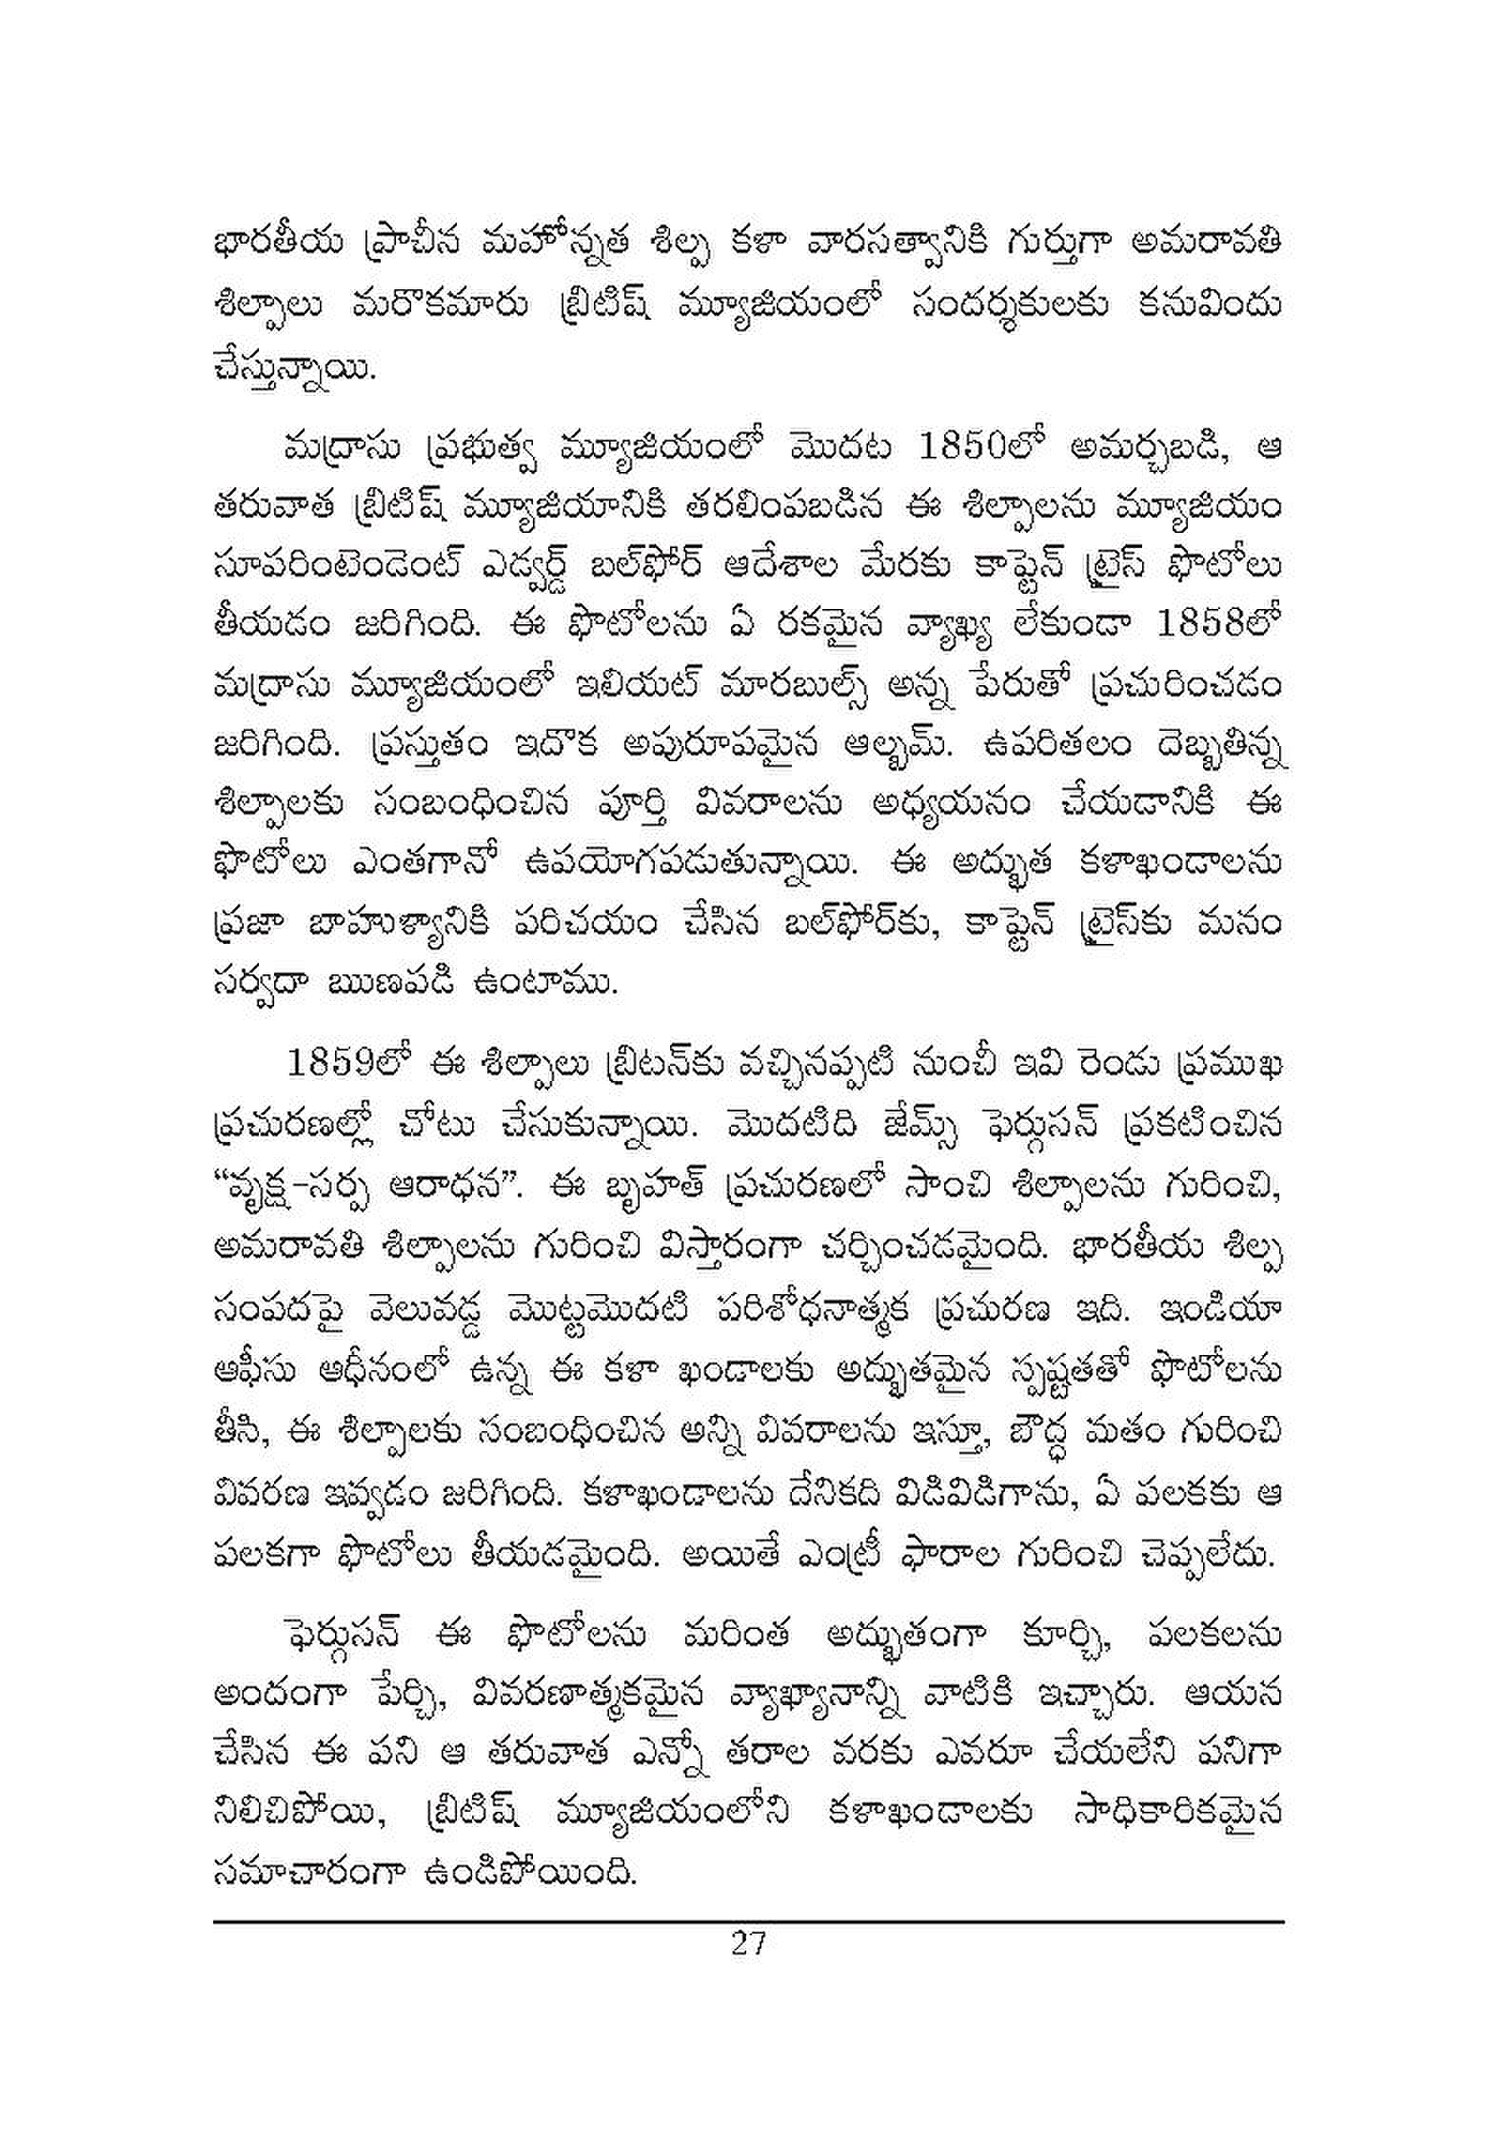భారతీయ ప్రాచీన మహోన్నత శిల్ప కళా వారసత్వానికి గుర్తుగా అమరావతి శిల్పాలు మరొకమారు బ్రిటిష్ మ్యూజియంలో సందర్శకులకు కనువిందు చేస్తున్నాయి.

మద్రాసు ప్రభుత్వ మ్యూజియంలో మొదట 1850లో అమర్చబడి, ఆ తరువాత బ్రిటిష్ మ్యూజియానికి తరలింపబడిన ఈ శిల్పాలను మ్యూజియం సూపరింటెండెంట్ ఎడ్వర్డ్ బల్ ఫోర్ ఆదేశాలమేరకు కాప్టెన్ ట్రైస్ ఫొటోలు తీయడం జరిగింది. ఈ ఫొటోలను ఏ రకమైన వ్యాఖ్యలేకుండా 1858లో మద్రాసు మ్యూజియంలో ఇలియట్ మారబుల్స్ అన్న పేరుతో ప్రచురించడం జరిగింది. ప్రస్తుతం ఇదొక అపురూపమైన ఆల్బమ్. ఉపరితలం దెబ్బతిన్న శిల్పాలకు సంబంధించిన పూర్తి వివరాలను అధ్యయనం చేయడానికి ఈ ఫొటోలు ఎంతగానో ఉపయోగపడుతున్నాయి. ఈ అద్భుత కళాఖండాలను ప్రజా బాహుళ్యానికి పరిచయం చేసిన బల్ఫోర్ కు, కాప్టెన్ ట్రైస్ కు మనం సర్వదా ఋణపడి ఉంటాము.

1859లో ఈ శిల్పాలు బ్రిటన్ కు వచ్చినప్పటి నుంచీ ఇవి రెండు ప్రముఖ ప్రచురణల్లో చోటు చేసుకున్నాయి. మొదటిది జేమ్స్ ఫెర్లుసన్ ప్రకటించిన "వృక్ష-సర్ప ఆరాధన". ఈ బృహత్ ప్రచురణలో సాంచి శిల్పాలను గురించి, అమరావతి శిల్పాలను గురించి విస్తారంగా చర్చించడమైంది. భారతీయ శిల్ప సంపదపై వెలువడ్డ మొట్టమొదటి పరిశోధనాత్మక ప్రచురణ ఇది. ఇండియా ఆఫీసు ఆధీనంలో ఉన్న ఈ కళా ఖండాలకు అద్భుతమైన స్పష్టతతో ఫొటోలను తీసి, ఈ శిల్పాలకు సంబంధించిన అన్ని వివరాలను ఇస్తూ, బౌద్ధమతం గుఱించి వివరణ ఇవ్వడం జరిగింది. కళాఖండాలను దేనికది విడివిడిగాను, ఏ పలకకు ఆ పలకగా ఫొటోలు తీయడమైంది. అయితే ఎంట్రీ ఫారాల గురించి చెప్పలేదు.

ఫెర్గుసన్ ఈ ఫొటోలను మరింత అద్భుతంగా కూర్చి పలకలను అందంగా పేర్చి వివరణాత్మకమైన వ్యాఖ్యానాన్ని వాటికి ఇచ్చారు. ఆయన చేసిన ఈ పని ఆ తరువాత ఎన్నో తరాల వరకు ఎవరూ చేయలేని పనిగా నిలిచిపోయి, బ్రిటిష్ మ్యూజియంలోని కళాఖండాలకు సాధికారికమైన సమాచారంగా ఉండిపోయింది.